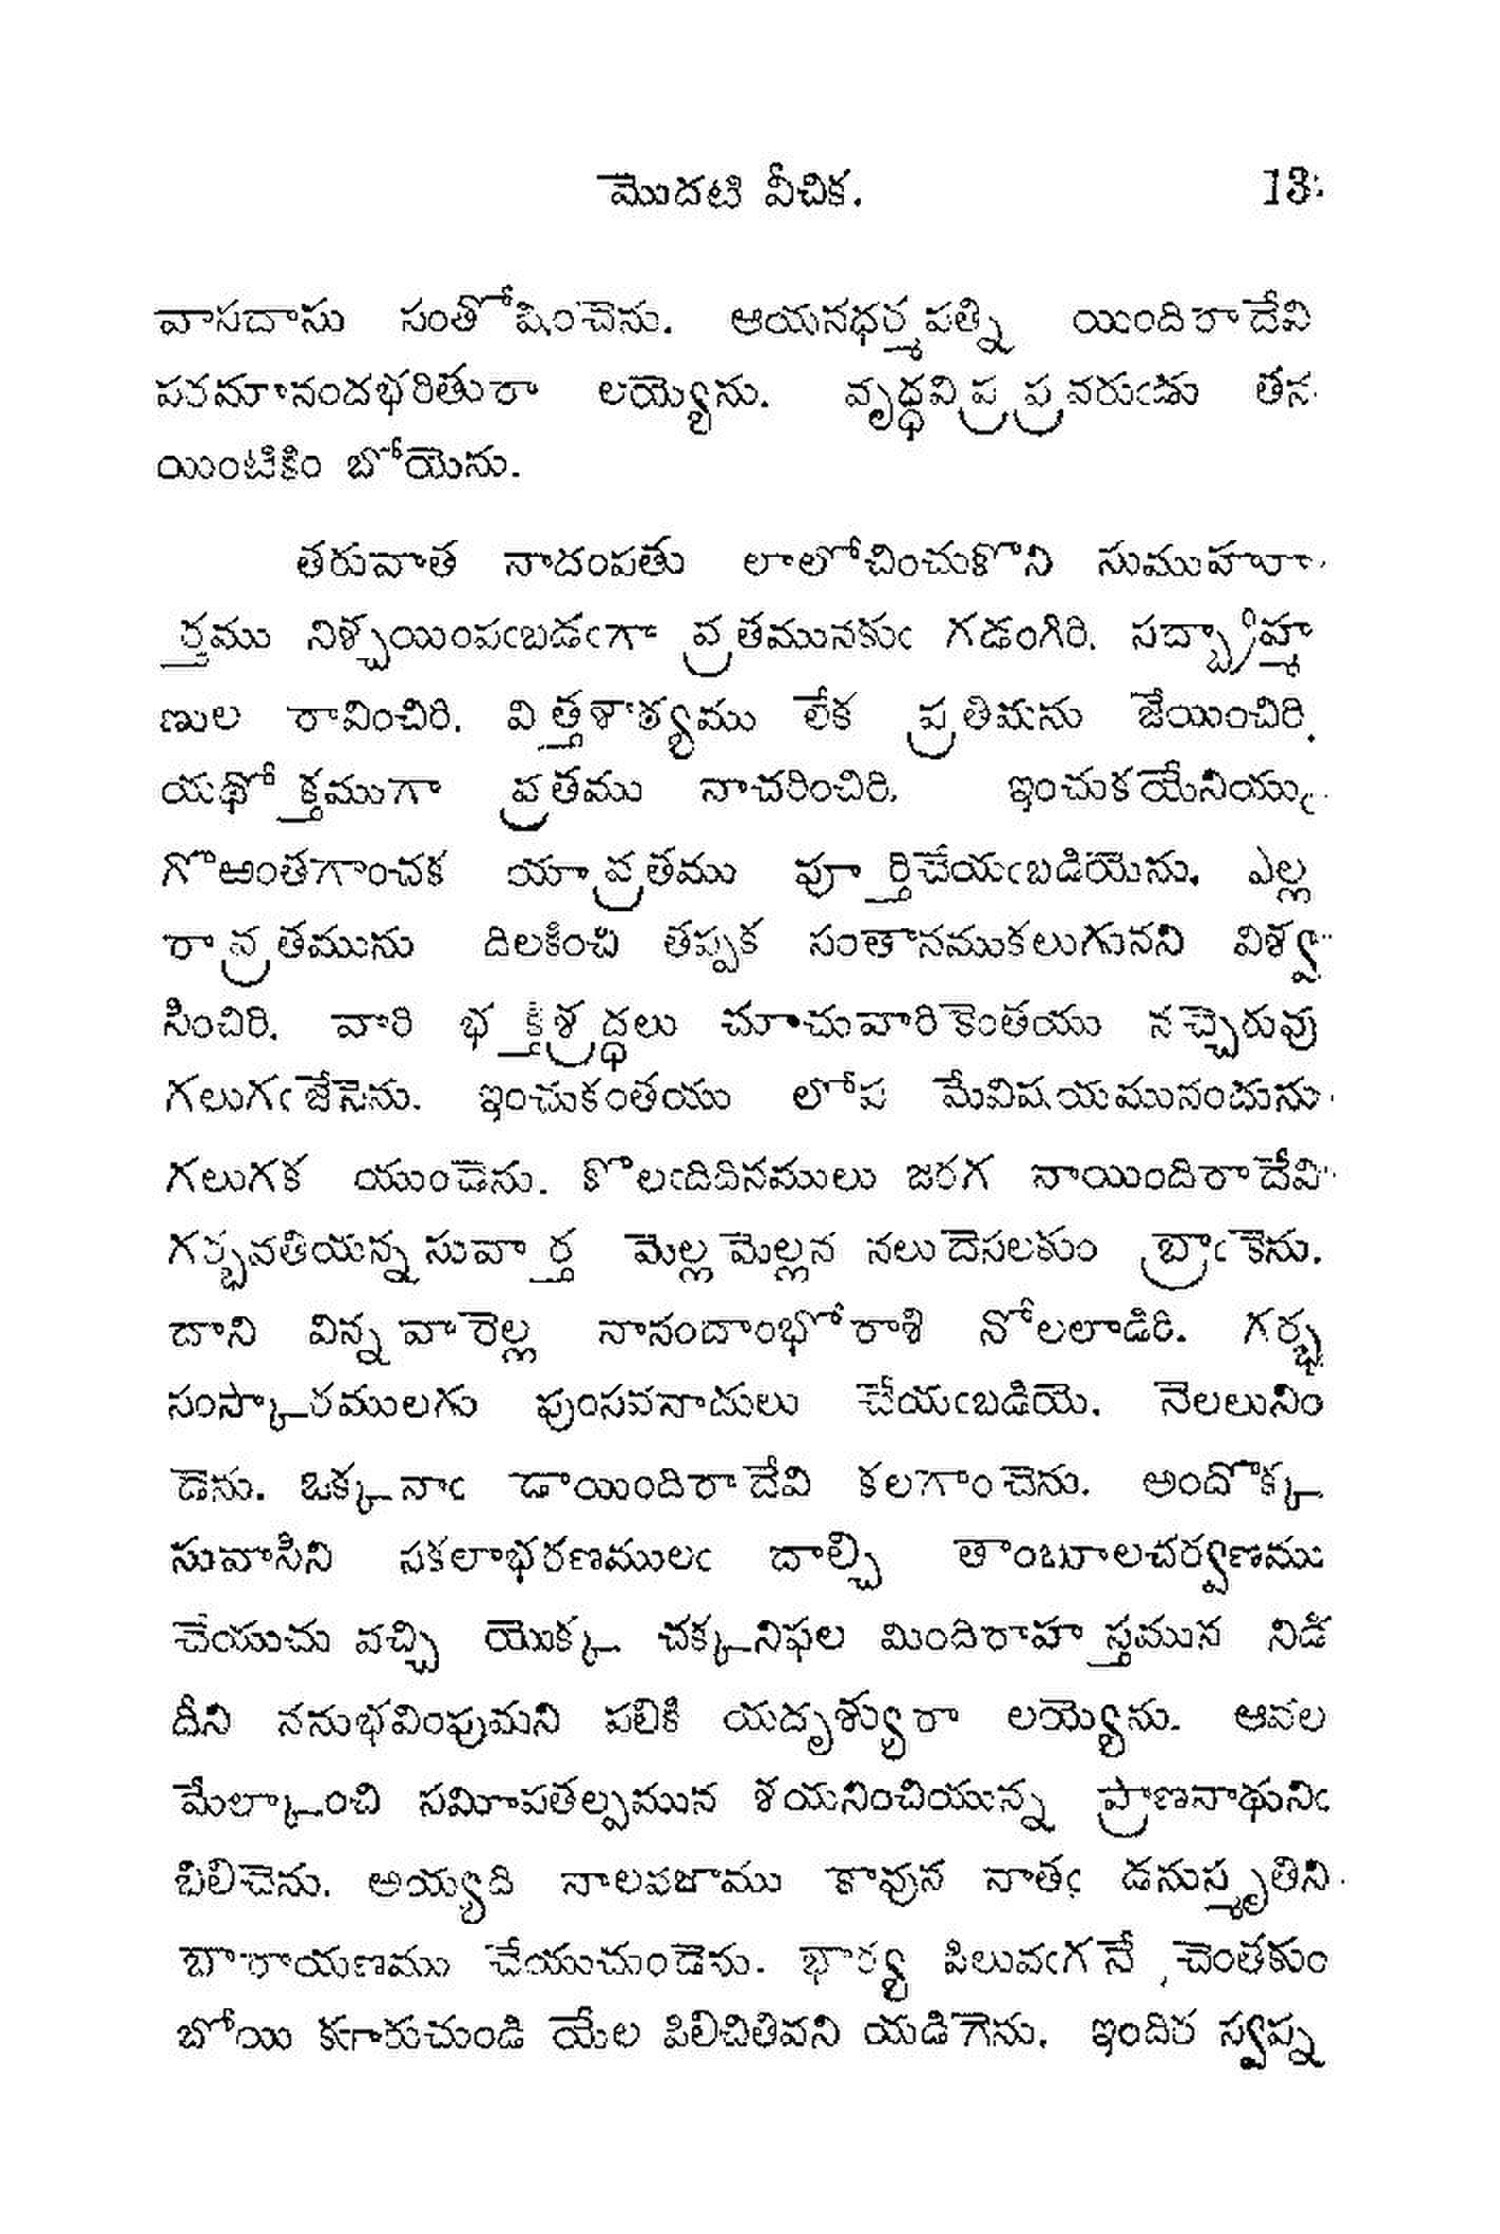వాసదాసు సంతోషించెను. ఆయన ధర్మపత్ని యిందిరాదేవి పరమానందభరితురా లయ్యెను. వృద్దవి ప్ర ప్రవరుఁడు తన యింటికిం బోయెను.

తరువాత నాదంపతు లాలోచించుకొని సుముహూర్తము నిశ్చయింపఁబడఁగా వ్రతమునకుఁ గడంగిరి. సద్బ్రాహ్మ ణుల రావించిరి. విత్తశాఠ్యము లేక ప్రతిమను 'జేయించిరి. యథో క్తముగా వ్రతము నాచరించిరి. ఇంచుక యేనియు గొఱంత గాంచక యావ్రతము పూర్తిచేయఁబడియెను. ఎల్లరా వ్రతమును దిలకించి తప్పక సంతానముకలుగునని విశ్వసించిరి. వారి భక్తిశ్రద్దలు చూచువారి కెంతయు నచ్చెరువు గలుగఁ జేసెను. ఇంచుకంతయు లోప మేవిషయమునందును గలుగక యుంచెను. కొలఁదిదినములు జరగ నాయిందిరా దేవి గర్బవతి యన్న సువార్త మెల్ల మెల్లన నలుదెసలకుం బ్రాంకెను. దాని విన్న వారెల్ల నానందాంభో రాశి నోలలాడిరి. గర్భ సంస్కారములగు పుంసవనాదులు చేయఁబడియె, నెలలునిండెను. ఒక్క నాఁ డాయిందిరా దేవి కలగాం చెను. అందొక్క సువాసిని సకలాభరణములం దాల్చి తాంబూలచర్వణము చేయుచు వచ్చి యొక్క చక్క నిఫల మిందిరాహస్తమున నిడ దీని ననుభవింపుమని పలికి యదృశ్యు రా లయ్యెను. ఆవల మేల్కాంచి సమీపతల్పమున శయనించియున్న ప్రాణనాథునిఁ బిలిచెను. అయ్యది నాలవజాము కావున నాతఁ డనుస్మృతిని బారాయణము చేయుచుండెను. భార్య పిలువఁగనే చెంతకుం బోయి కూరుచుండి యేల పిలిచితివని యడిగెను. ఇందిర స్వప్న